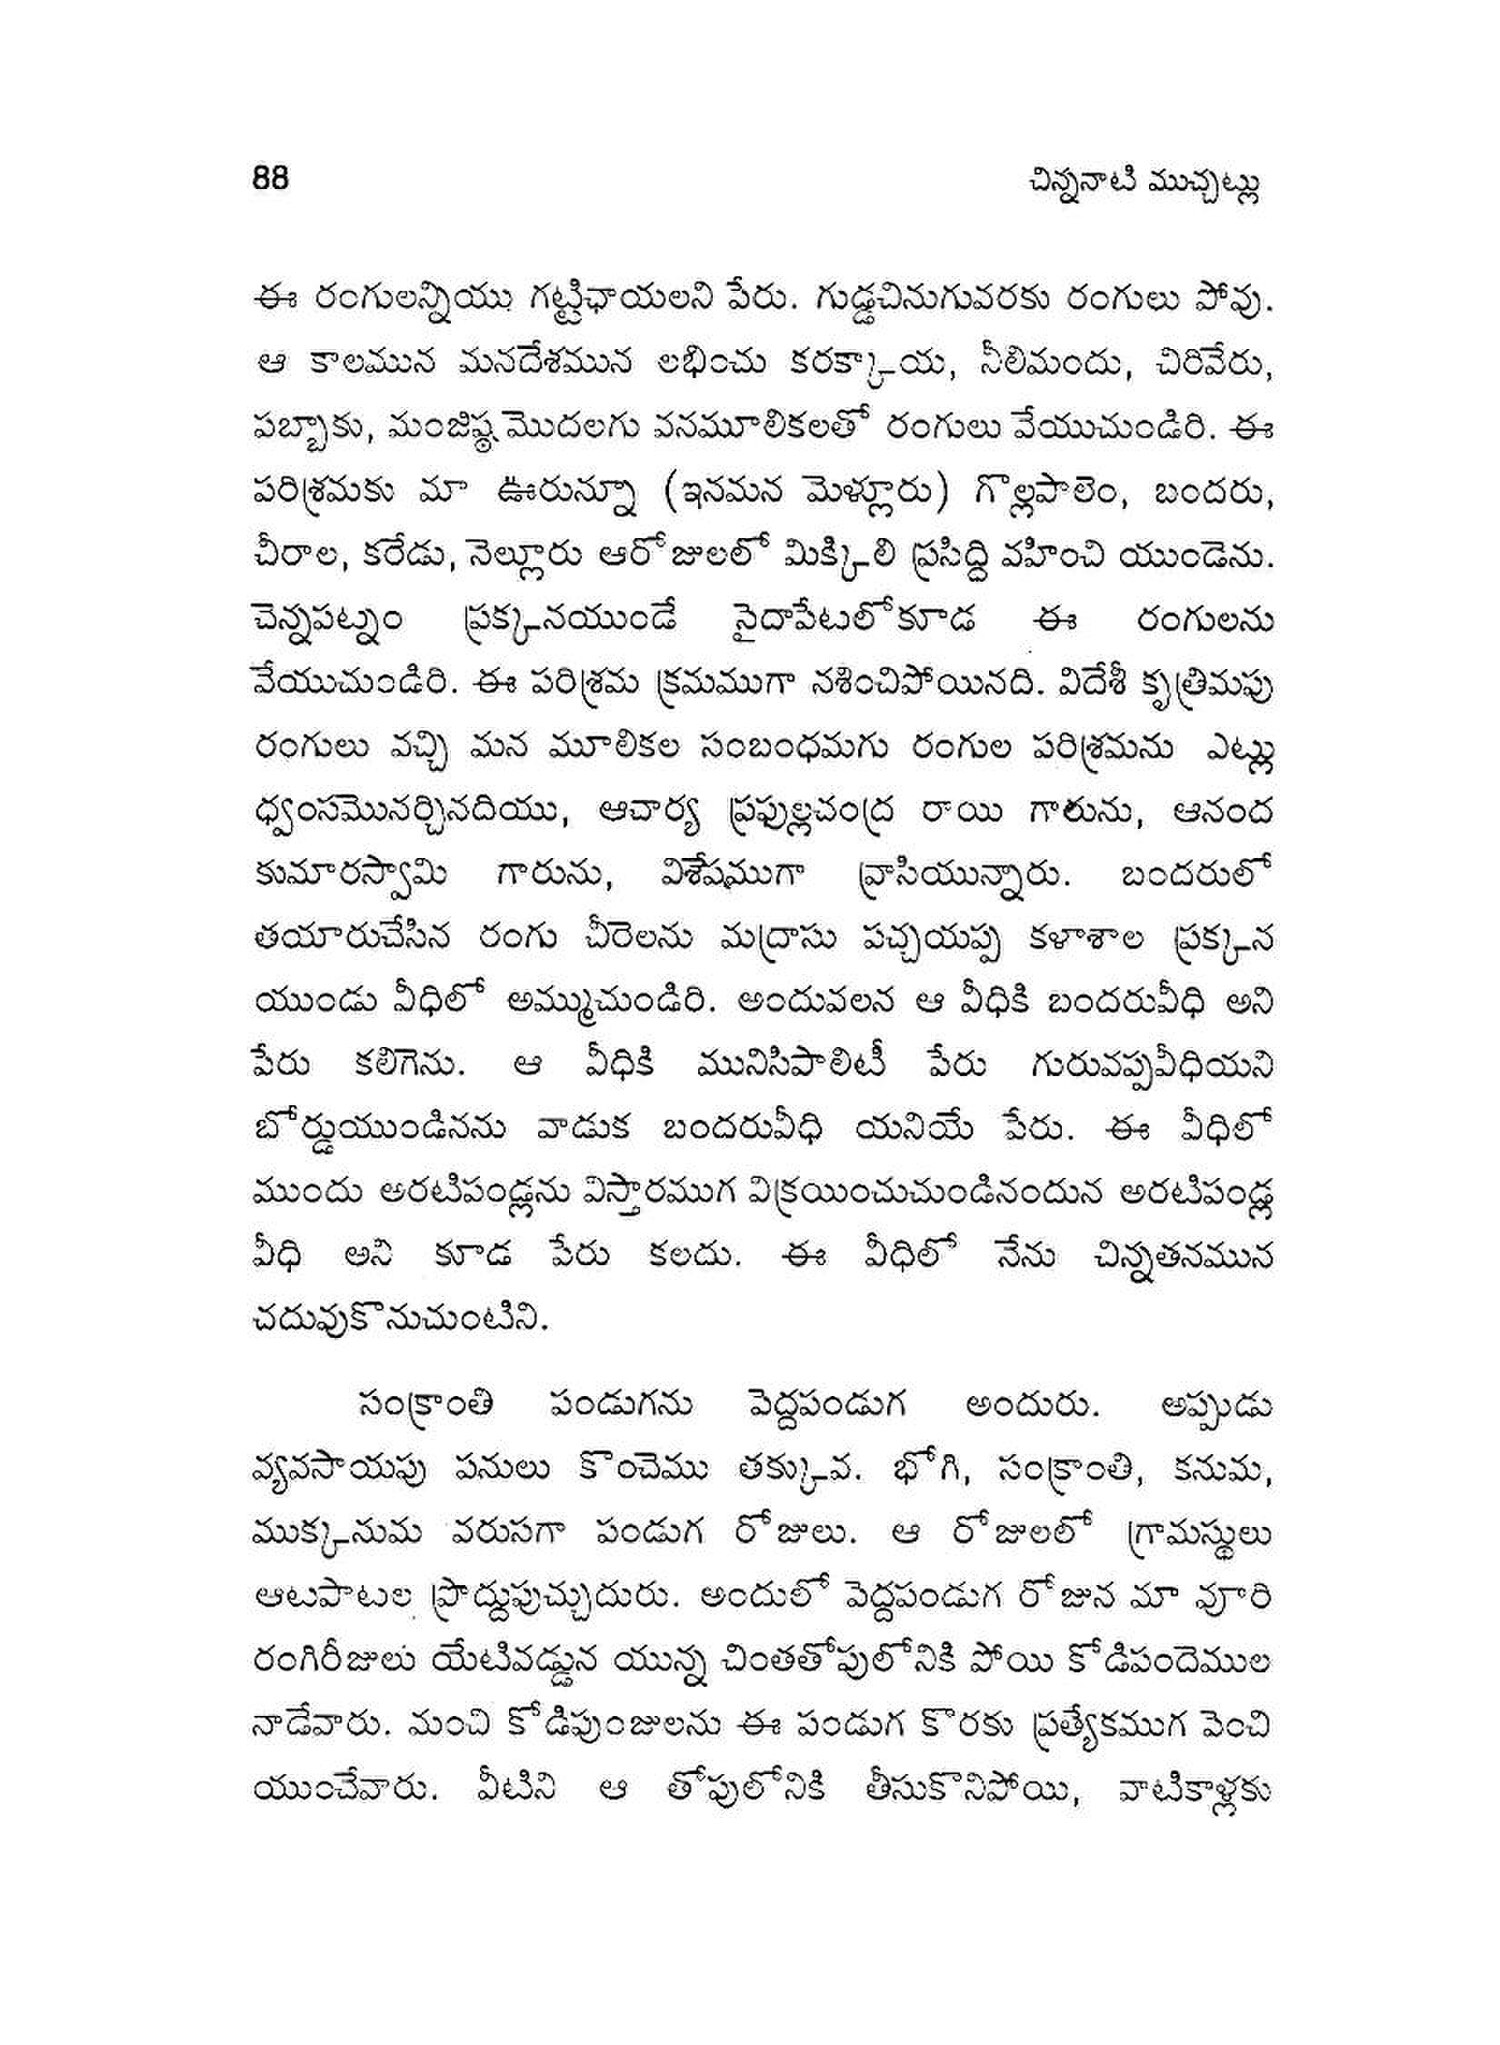ఈ రంగులన్నియు గట్టిఛాయలని పేరు. గుడ్డచినుగువరకు రంగులు పోవు. ఆ కాలమున మనదేశమున లభించు కరక్కాయ, నీలిమందు, చిరివేరు, పబ్బాకు, మంజిష్ఠ మొదలగు వనమూలికలతో రంగులు వేయుచుండిరి. ఈ పరిశ్రమకు మా ఊరున్నూ (ఇనమన మెళ్ళూరు) గొల్లపాలెం, బందరు, చీరాల, కరేడు, నెల్లూరు ఆరోజులలో మిక్కిలి ప్రసిద్ధి వహించి యుండెను. చెన్నపట్నం ప్రక్కనయుండే సైదాపేటలోకూడ ఈ రంగులను వేయుచుండిరి. ఈ పరిశ్రమ క్రమముగా నశించిపోయినది. విదేశీ కృత్రిమపు రంగులు వచ్చి మన మూలికల సంబంధమగు రంగుల పరిశ్రమను ఎట్లు ధ్వంసమొనర్చినదియు, ఆచార్య ప్రపుల్లచంద్ర రాయి గారును, ఆనంద కుమారస్వామి గారును, విశేషముగా వ్రాసియున్నారు. బందరులో తయారుచేసిన రంగు చీరెలను మద్రాసు పచ్చయప్ప కళాశాల ప్రక్కన యుండు వీధిలో అమ్ముచుండిరి. అందువలన ఆ వీధికి బందరువీధి అని పేరు కలిగెను. ఆ వీధికి మునిసిపాలిటీ పేరు గురువప్పవీధియని బోర్డుయుండినను వాడుక బందరువీధి యనియే పేరు. ఈ వీధిలో ముందు అరటిపండ్లను విస్తారముగ విక్రయించుచుండినందున అరటిపండ్ల వీధి అని కూడ పేరు కలదు. ఈ వీధిలో నేను చిన్నతనమున చదువుకొనుచుంటిని.

సంక్రాంతి పండుగను పెద్దపండుగ అందురు. అప్పడు వ్యవసాయపు పనులు కొంచెము తక్కువ. భోగి, సంక్రాంతి, కనుమ, ముక్కనుమ వరుసగా పండుగ రోజులు. ఆ రోజులలో గ్రామస్తులు ఆటపాటల ప్రొద్దుపుచ్పుదురు. అందులో పెద్దపండుగ రోజున మా వూరి రంగిరీజులు యేటివడ్డున యున్న చింతతోపులోనికి పోయి కోడిపందెముల నాడేవారు. మంచి కోడిపుంజులను ఈ పండుగ కొరకు ప్రత్యేకముగ పెంచి యుంచేవారు. వీటిని ఆ తోపులోనికి తీసుకొనిపోయి, వాటికాళ్లకు